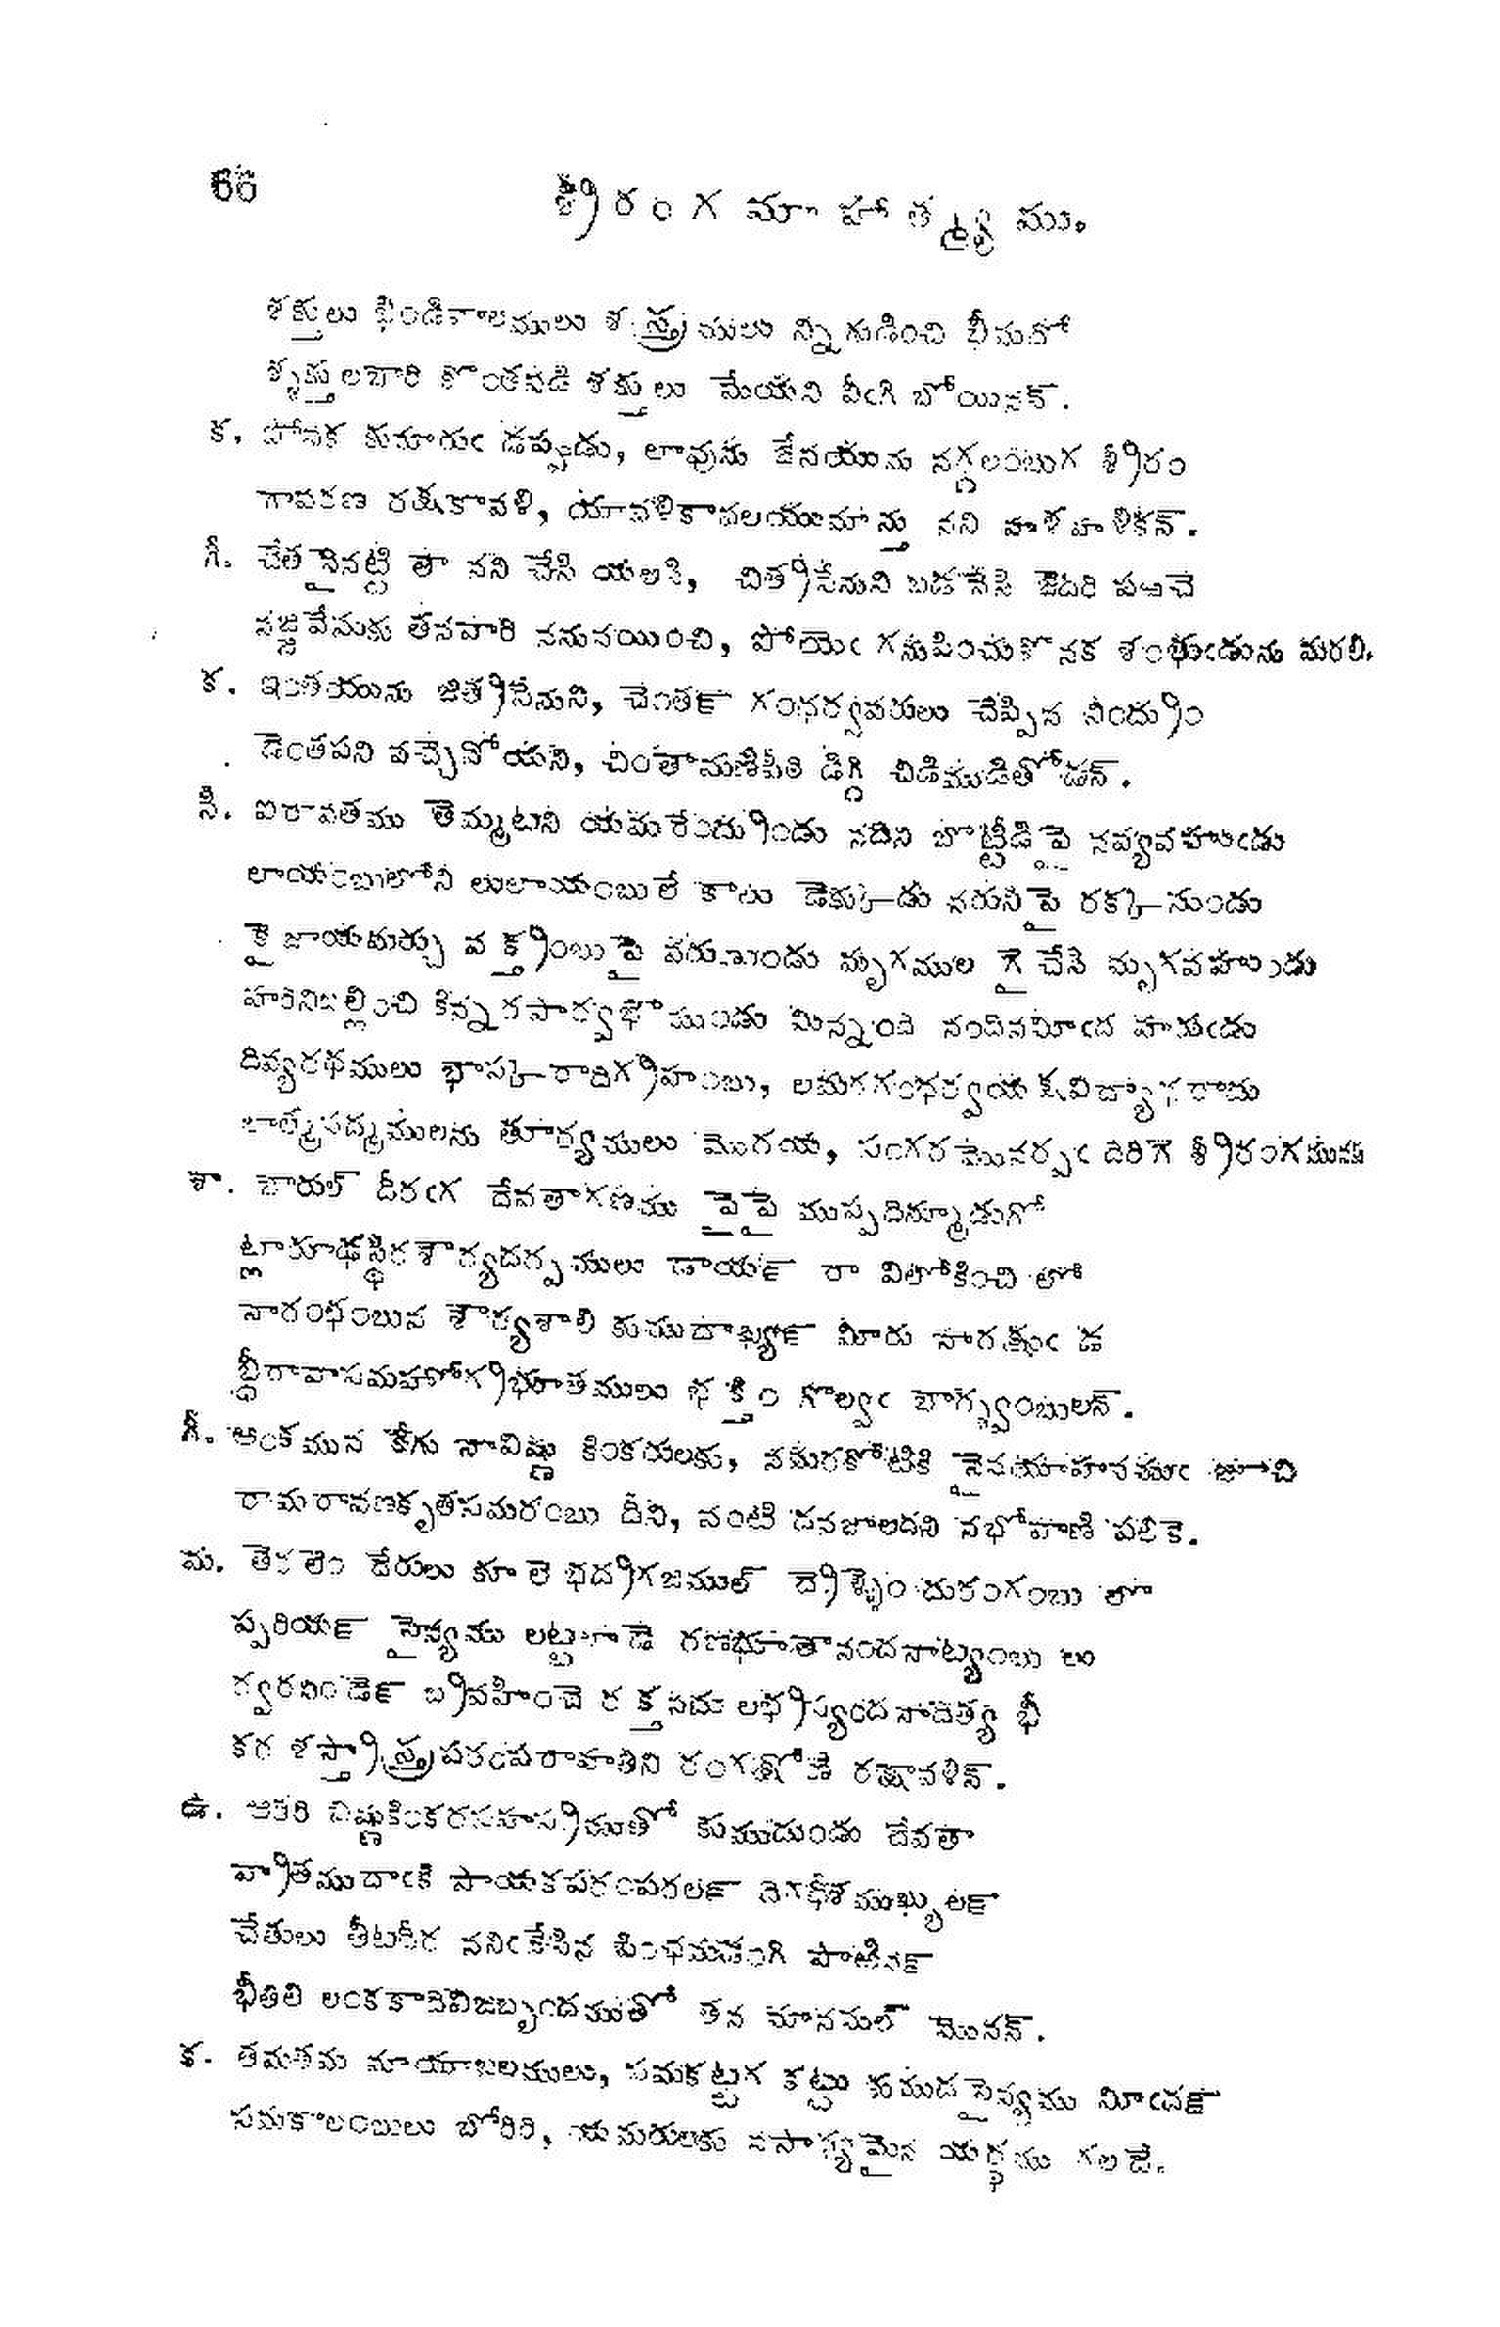శక్తులు భిండివాలములు శస్త్రములు న్నిగుడించి భీమదో
 శ్శక్తులబారి కొంతవడి శక్తులు మేయని వీఁగి బోయినన్.
క. పోవక కుమారుఁ డప్పుడు, లావును జేనయును నగ్గలంబుగ శ్రీరం
 గావరణ రక్షకావళి, యావళికావలయుమాన్తు నని హళహళికన్.
గీ. చేతనైనట్టి తా నని చేసి యలసి, చిత్రసేనుని బడనేసి జెదిరి పఱచె
 నజ్జ వేనుకు తనవారి ననునయించి, పోయెఁ గనుపించుకొనక శంభుఁడును మరలి.
క. ఇంతయును జిత్రసేనుని, చెంతన్ గంధర్వవరులు చెప్పిన నింద్రుం
 డెంతపని వచ్చెనోయని, చింతామణిపీఠి డిగ్గి చిడిముడితోడన్.
సీ. ఐరావతము తెమ్మటని యమరేంద్రుండు నదిని బొట్టీడిపై నవ్యవహుఁడు
 లాయంబులోని లులాయంబులే కాలు డెక్కుడు నరునిపై రక్కసుండు
 కైజాయమర్చు వక్త్రంబుపై వరుణుండు మృగముల గైచేసి మృగవహుండు
 హరినిబల్లించి కిన్నరసార్వభౌముండు మిన్నంది నందినమీఁద హరుఁడు
 దివ్యరథములు భాస్కరాదిగ్రహంబు, లమరగంధర్వయక్షవిద్యాధరాదు
 లాత్మపద్మములను తూర్యములు మొరయ, సంగరమొనర్పఁ దిరిగె శ్రీరంగమునకు.
శా. బారుల్ దీరఁగ దేవతాగణము పైపై ముప్పదిన్మూడుగో
 ట్లారూఢస్థిరశౌర్యదర్పములు డాయన్ రా విలోకించి లో
 నారంభంబున శౌర్యశాలి కుముదాఖ్యన్ మీరు నారక్షుఁ డ
 బ్ధీరావాసమహోగ్రభూతములు భక్తిం గొల్వఁ బార్శ్వంబులన్.
గీ. ఆంకమున కేగు నావిష్ణుకింకరులకు, నమరకోటికి నైనయాహవముఁ జూచి
 రామరావణకృతసమరంబు దీని, నంటి దనజాలదని నభోవాణి పలికె.
మ. తెరలెం దేరులు కూలె భద్రగజముల్ ద్రెళ్ళెం దురంగంబు లొ
 ప్పరియన్ సైన్యము లట్టలాడె రణభూతానందనాట్యంబు లు
 ర్వరనిండెన్ బ్రవహించె రక్తనదు లభ్రస్యందనాదిత్య భీ
 కర శస్త్రాస్త్రపరంపరాహతిని రంగక్షోణి రక్షావళిన్.
ఉ. ఆతరి విష్ణుకింకరసహస్రముతో కుముదుండు దేవతా
 వ్రాతము దాఁకి సాయకపరంపరలన్ దిగధీశముఖ్యులన్
 చేతులు తీటదీర ననిఁజేసిన పింఛండింగి పాఱినన్
 భీతిలి లంకకాదివిజబ్బందముతో తన మాననుల్ మొనన్.
క. తమతమ మాయాబలములు, సమకట్టగ కట్టు కుముదసైన్యముమీఁదన్
 సమకాలంబులు బోరిరి, యమరులకు నసాధ్యమైన యర్థము గలదే.